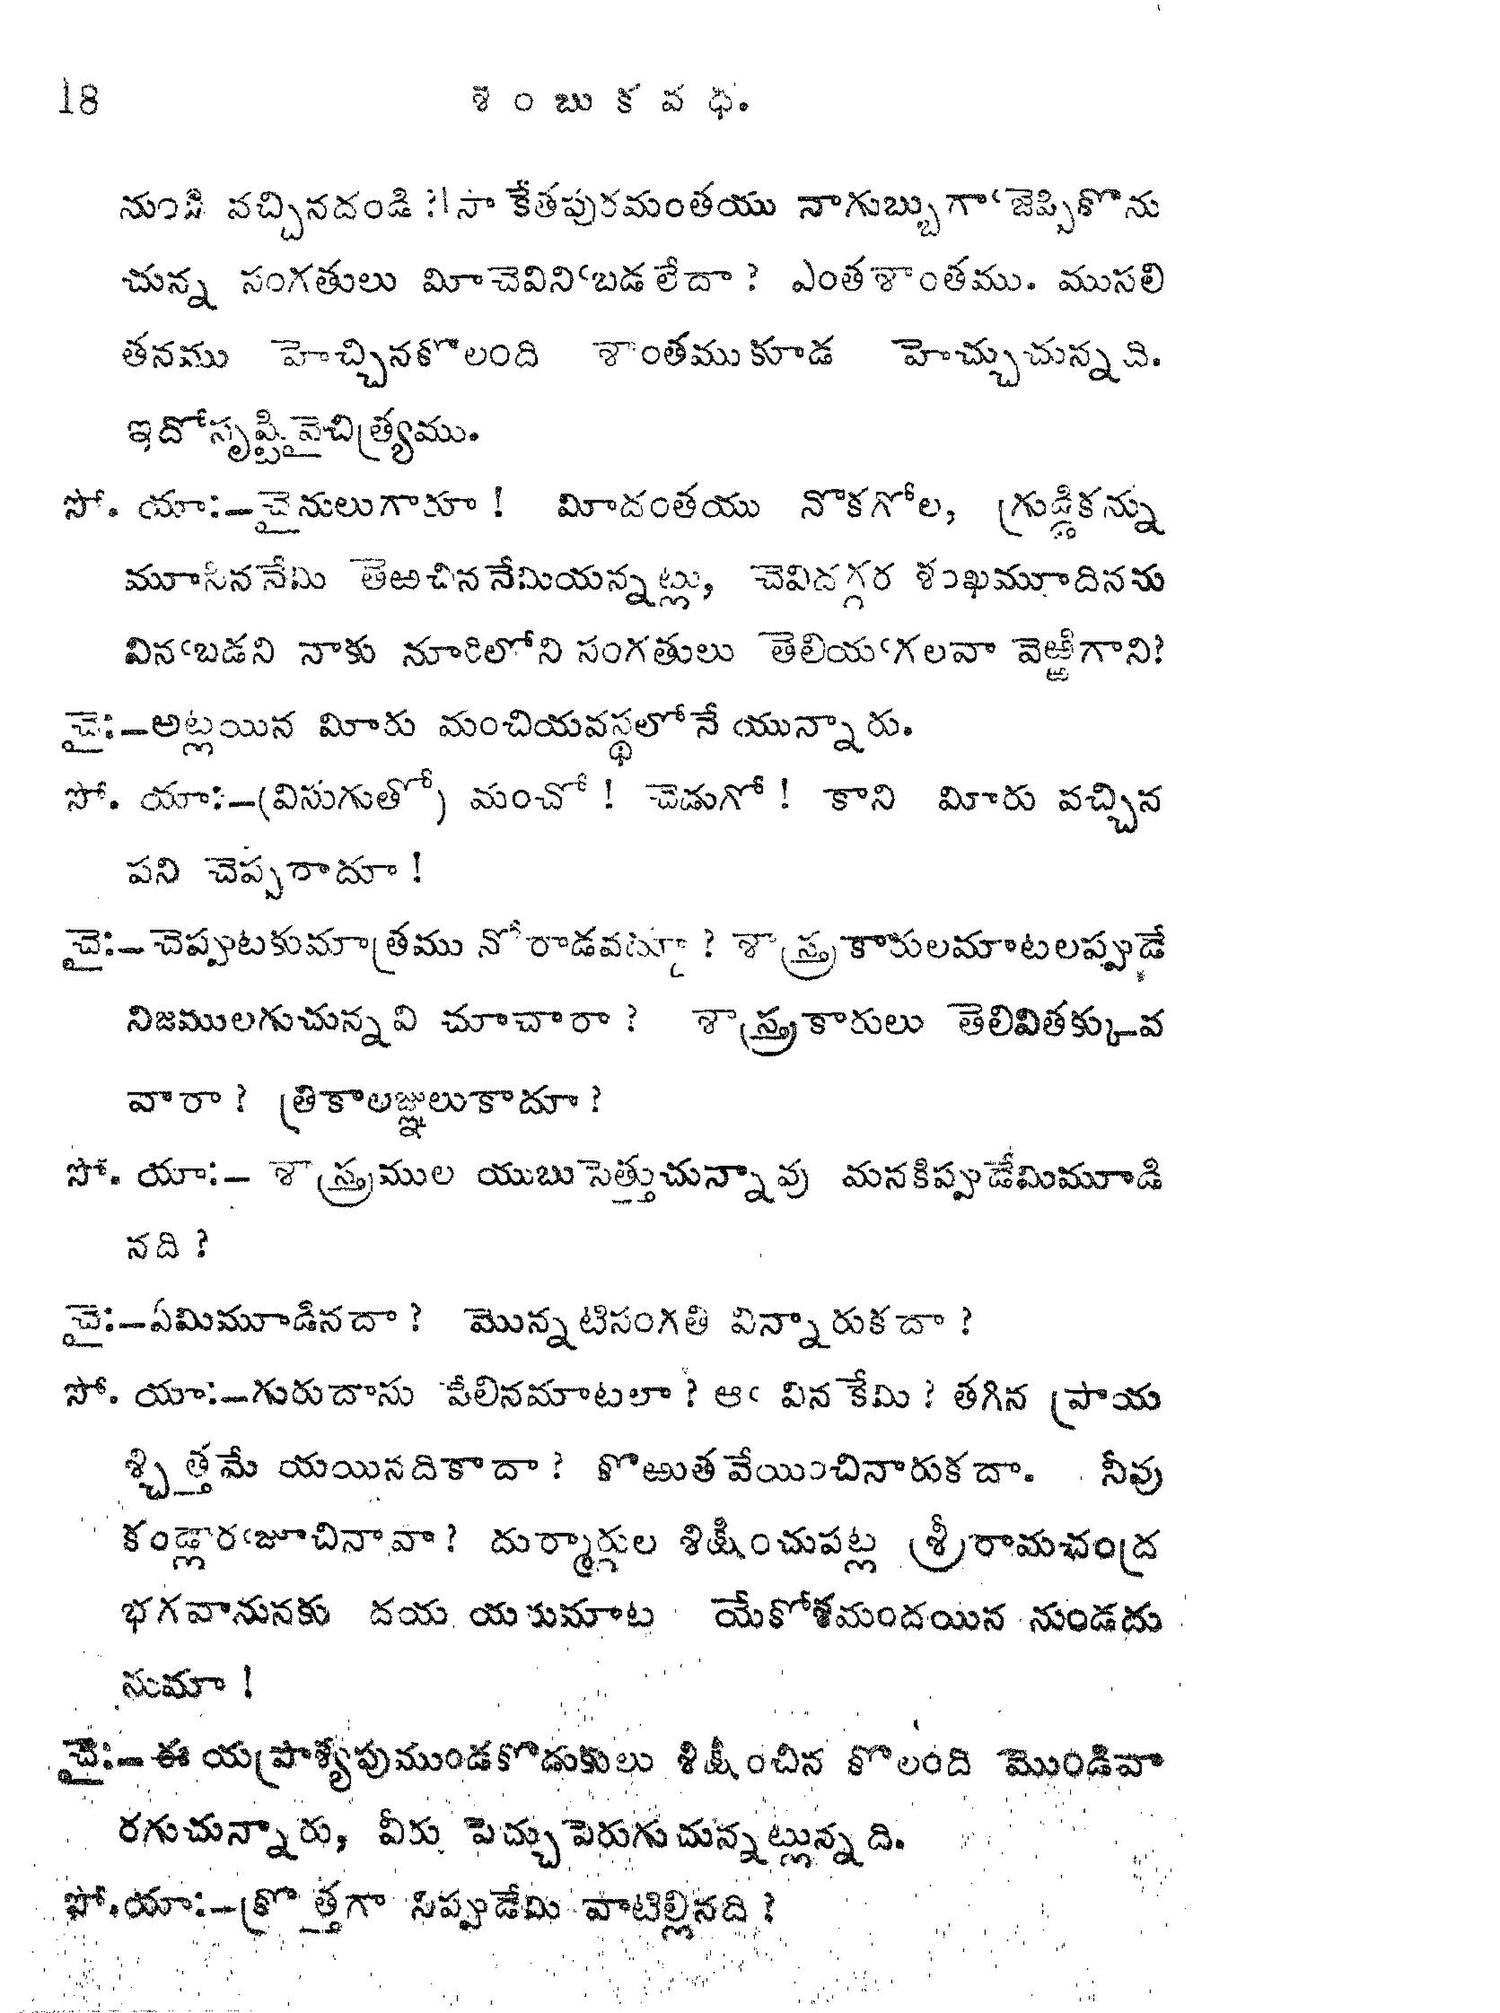నుండి వచ్చినదండి : ఈసాకేతపురమంతయు నాగుబ్బుగా జెప్సికొను
 చున్న సంగతులు మీచెవినిఁబడ లేదా ? ఎంత శాంతము. ముసలి
 తనము హెచ్చిన కొలంది శాంతము కూడ హెచ్చుచున్నది.
 ఇదోసృష్టి వైచిత్రము.

సో. యా:-చైనులుగారూ ! మీదంతయు నొకగోల, గ్రుడ్డికన్ను
 మూసిన నేమి తెఱచిన నేమియన్నట్లు, చెవిదగ్గర శంఖమూదినను
 వినఁబడని నాకు నూరిలోని సంగతులు తెలియఁగలవా వెర్రిగాని!

వై:- అట్లయిన వారు మంచియవస్థలోనే యున్నారు.

సో. యా:- (విసుగుతో), మంచో ! చెడుగో ! కాని మీరు
 పని చెప్పగాదూ !

చై:- చెప్పుటకుమాత్రము నో రాడవద్దూ : శాస్త్ర కారుల మాటలప్పుడే
 నిజములగు చున్నవి చూచారా ? శాస్త్ర కారులు తెలివితక్కువ
 వారా ! త్రికాలజ్ఞులు కాదూ !

సో. యా:- శాస్త్రముల యుబు సెత్తుచున్నావు మన కిప్పుడేమి మూడినది.
 మీరు వచ్చినది?

చై:- ఏమిమూడిన దా! మొన్నటి సంగతి విన్నారుకదా !

సో. యా:-గురు దాసు 'పేలినమాటలా ? ఆఁ ఏన కేమి ? తగిన ప్రాయ
 శ్చిత్తమే యయినది కాదా ! కొఱుత వేయించినారు కదా.
 కండ్లారఁజూచినావా ? దుర్మార్తుల శిక్షించుపట్ల శ్రీరామచంద్ర
 భగవానునకు దయ యను మాట ' యేకోశమందయిన నుండదు
 సుమా!

చై:-- ఈ యప్రాశ్యపుముండ కొడుకులు శిక్షించిన కోలంది 'మొండివా
 రగుచున్నారు, వీరు పెచ్చు పెరుగుచున్నట్లున్నది.

సో. యా:క్రొత్తగా నిప్పుడేమి వాటిల్లినది ?